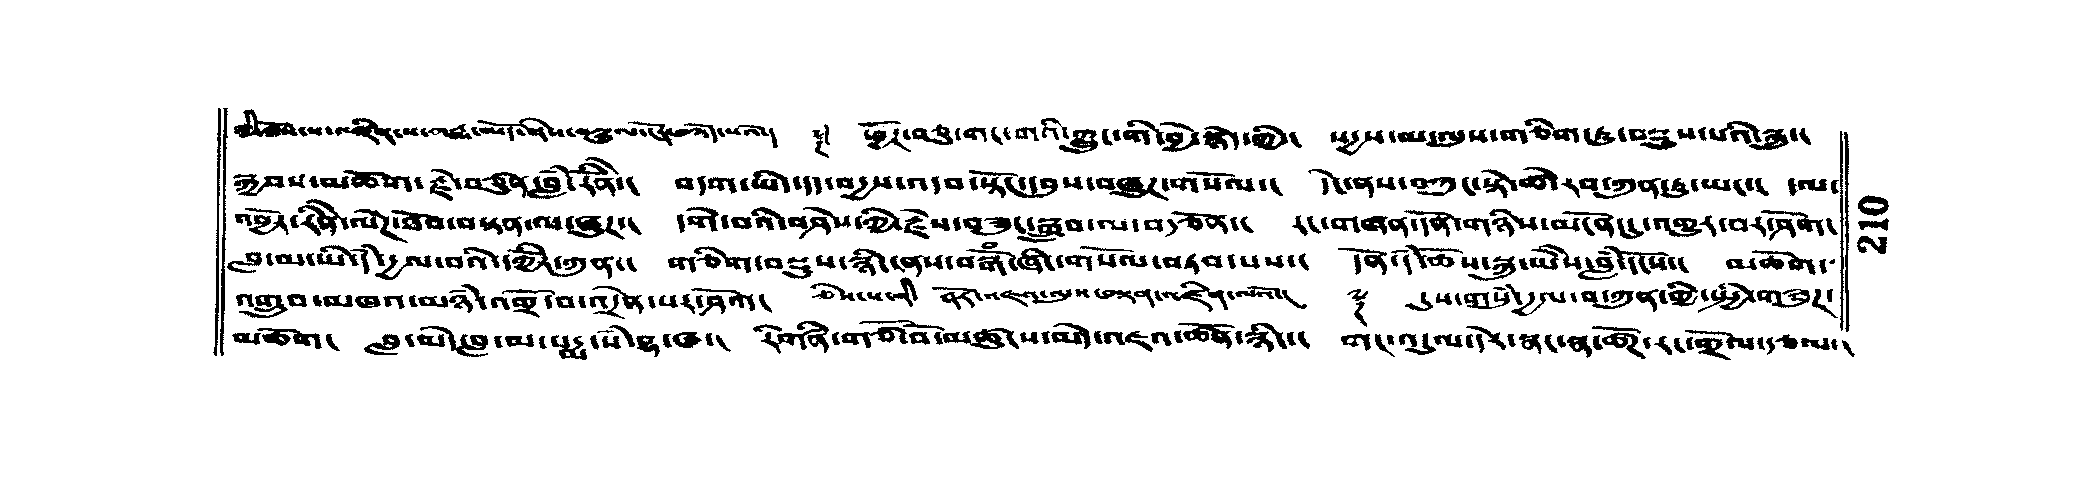ཀྱི་ཐོས་པ་འཛིན་པ་ཀརྨ་མདོ་སྡེས་བསྐུལ་ངོར་བཀོད་པའོ།།༈ ཕྱོགས་བཅུ་གང་གའི་ཀླུང་གི་བྱེ་སྙེད་ཀྱི། །སངས་རྒྱས་མ་ལུས་གཅིག་ཏུ་བསྡུས་པའི་སྐུ། །
སྐྱབས་མཆོག་རྗེ་བཙུན་བླ་མ་རིན་པོ་ཆེ། །བདག་ཡིད་དད་བརྒྱས་འདབ་སྟོང་དབུས་བཞུགས་གསོལ། །དེང་ནས་བཟུང་སྟེ་ཚེ་རབས་ཀུན་ཏུ་ཡང་། །དལ་
འབྱོར་རིན་ཆེན་ལེགས་ཐོབ་བསྟན་ལ་ཞུགས། །དགེ་བའི་བཤེས་ཀྱི་རྗེས་བཟུང་སྒྲུབ་ལ་བརྩོན། །རང་གཞན་དོན་གཉིས་མངོན་དུ་འགྱུར་བ་ཤོག །
བླ་མ་ཡི་དམ་རྒྱལ་བའི་དཀྱིལ་འཁོར་ཀུན། །གཅིག་བསྡུས་སྙིང་ནས་བསྒོམ་ཞིང་གསོལ་བཏབ་པས། །དོན་དམ་ཆོས་སྐུ་ཡེ་ཤེས་བླ་མ་དངོས། །མཆོག་
འགྲུབ་མཁའ་མཉམ་འགྲོ་བ་འདྲེན་པར་ཤོག ཅེས་པ་ནི་རྣལ་འབྱོར་པ་འཇའ་ལུས་བསྟན་འཛིན་ལའོ།། ༈ དུས་གསུམ་རྒྱལ་བ་ཀུན་གྱི་སྤྱི་གཟུགས་
མཆོག །བླ་མེད་བླ་མ་པདྨ་སམ་བྷ་ཝ། །རིག་འཛིན་གཙོ་བོ་མཚུངས་མེད་འཇའ་ཚོན་སྙིང་། །གང་འདུལ་དེར་སྣང་སྣ་ཚོགས་རང་གྲོལ་རྩལ།